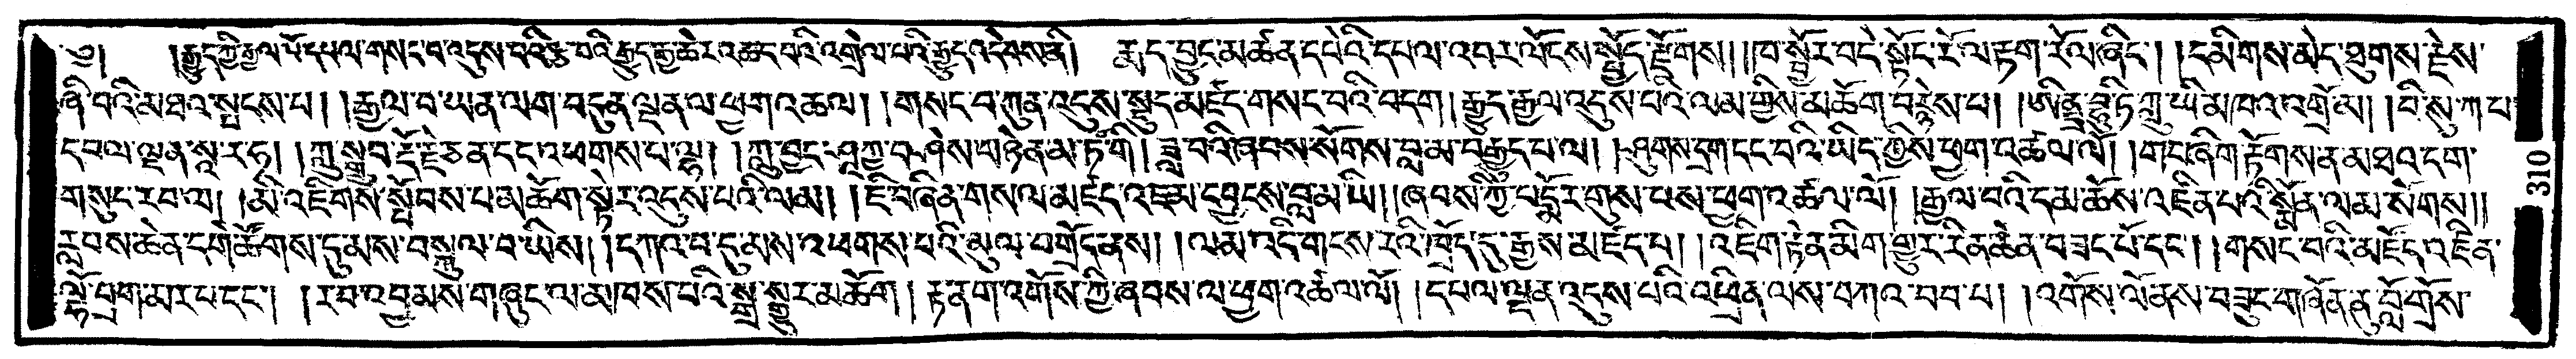༄༅། །རྒྱུད་ཀྱི་རྒྱལ་པོ་དཔལ་གསང་བ་འདུས་པའི་རྩ་བའི་རྒྱུད་རྒྱ་ཆེར་འཆད་པའི་འགྲེལ་པའི་རྒྱུད་འདེབས་ནི། རྨད་བྱུང་མཚན་དཔེའི་དཔལ་འབར་ལོངས་སྤྱོད་རྫོགས། །ཁ་སྦྱོར་བདེ་སྟོང་རོ་ལ་རྟག་རོལ་ཞིང་། །དམིགས་མེད་ཐུགས་རྗེས་
ཞི་བའི་མཐའ་སྤངས་པ། །རྒྱལ་བ་ཡན་ལག་བདུན་ལྡན་ལ་ཕྱག་འཚལ། །གསང་བ་ཀུན་འདུས་སྡུད་མཛད་གསང་བའི་བདག །རྒྱུད་རྒྱལ་འདུས་པའི་ལམ་གྱིས་མཆོག་བརྙེས་པ། །ཨིནྡྲ་བྷུ་ཏི་ཀླུ་ཡི་མཁའ་འགྲོ་མ། །བི་སུ་ཀ་པ་
དཔལ་ལྡན་སཱ་ར་ཧ། །ཀླུ་སྒྲུབ་རྡོ་རྗེ་ཅན་དང་འཕགས་པ་ལྷ། །ཀླུ་བྱང་ཤཱཀྱ་བཤེས་གཉེན་མ་ཏཾ་གི །ཟླ་བའི་ཞབས་སོགས་བླ་མ་བརྒྱུད་པ་ལ། །ཤུགས་དྲག་དང་བའི་ཡིད་ཀྱིས་ཕྱག་འཚལ་ལོ། །གང་ཞིག་རྟོགས་ན་མཐའ་དག་
གསུང་རབ་ལ། །མི་འཇིགས་སྤོབས་པ་མཆོག་སྟེར་འདུས་པའི་ལམ། །ཇི་བཞིན་གསལ་མཛད་འཇམ་དབྱངས་བླ་མ་ཡི། །ཞབས་ཀྱི་པདམོར་གུས་པས་ཕྱག་འཚལ་ལོ། །རྒྱལ་བའི་དམ་ཆོས་འཛིན་པའི་སྨོན་ལམ་སོགས། །
རླབས་ཆེན་དགེ་ཚོགས་དུ་མས་བསྐུལ་བ་ཡིས། །དཀའ་བ་དུ་མས་འཕགས་པའི་མུལ་བགྲོད་ནས། །ལམ་འདི་གངས་རའི་ཁྲོད་དུ་རྒྱས་མཛད་པ། །འཇིག་རྟེན་མིག་གྱུར་རིན་ཆེན་བཟང་པོ་དང་། །གསང་བའི་མཛོད་འཛིན་
ལྷོ་བྲག་མར་པ་དང་། །རབ་འབྱམས་གཞུང་ལ་མཁས་པའི་སྒྲ་སྒྱུར་མཆོག །རྟ་ནག་འགོས་ཀྱི་ཞབས་ལ་ཕྱག་འཚལ་ལོ། །དཔལ་ལྡན་འདུས་པའི་འཕྲིན་ལས་བཀའ་བབ་པ། །འགོས་ལོ་ནས་བཟུང་གཞོན་ནུ་བློ་གྲོས་